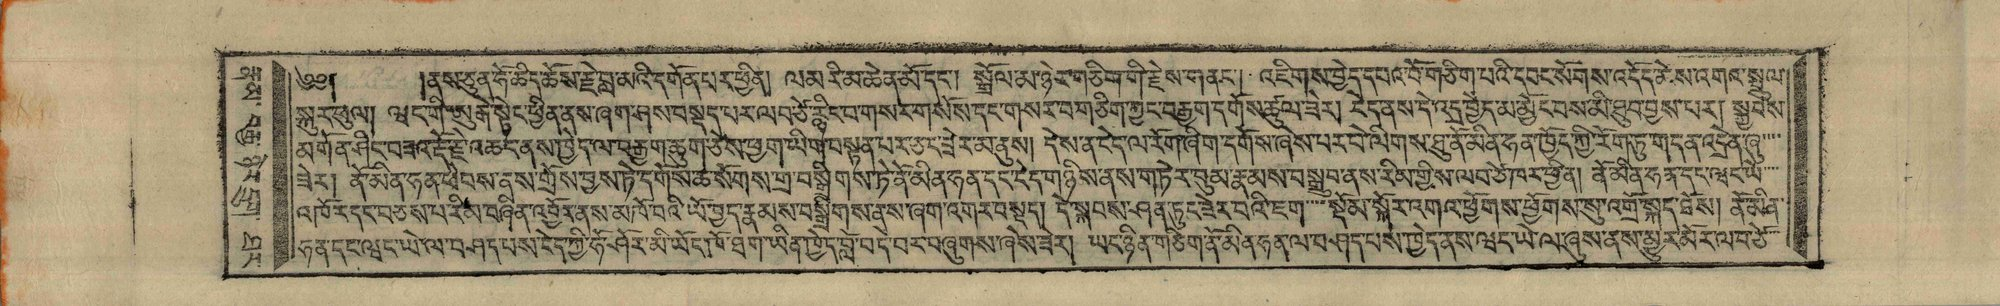༄༅། །ནས་ཅུན་ཧོ་ཆིད་ཆོས་རྗེ་བླ་མའི་དགོན་པར་ཕྱིན། ལམ་རིམ་ཆེན་མོ་དང་། སྒྲོལ་མ་ཉེར་གཅིག་གི་རྗེས་གནང་། འཇིགས་བྱེད་དཔའ་བོ་གཅིག་པའི་དབང་སོགས་འདོད་ཆེས་འགའ་སྤྲུལ་
སྐུར་ཕུལ། ཝང་གི་ཨུ་རྒེ་སྟེང་ཕྱིན་ནས་ཞག་ཤས་བསྡད་པར་ལབ་ཙེ་རྙིང་པ་གསར་གསོས་དང་གསར་བ་གཅིག་ཀྱང་བརྒྱག་དགོས་ཚུལ་ཟེར། ངེད་ནས་དེ་འདྲ་བྱེད་མ་མྱོང་བས་མི་ཐུབ་བྱས་པར། སྐྱབས་
མགོན་ཤིང་བཟའ་རྡོ་རྗེ་འཆང་ནས་ཁྱེད་ལ་བརྒྱག་ཆུག་ཅེས་ཕྱག་ཡིག་བསྟན་པར་ཅང་ཟེར་མ་ནུས། དེས་ན་ངེད་ལ་རོག་ཞིག་དགོས་ཞེས་པར་པེ་ལིགས་ཐུ་ནོ་མིན་ཧན་ཁྱོད་ཀྱི་རོག་ཏུ་གདན་འདྲེན་ཞུ་
ཟེར། ནོ་མིན་ཧན་ཕེབས་ནས་གྲོས་བྱས་ཏེ་དགོས་ཆ་སོགས་གྲ་བསྒྲིགས་ཏེ་ནོ་མིན་ཧན་དང་ངེད་གཉིས་ནས་གཏེར་བུམ་རྣམས་བསྒྲུབ་ནས་རིམ་གྱིས་ལབ་ཙེ་ཁར་ཕྱིན། ནོ་མིན་ཧན་དང་ཝང་ཡེ་
འཁོར་དང་བཅས་པ་རིམ་བཞིན་འབྱོར་ནས་མཁོ་བའི་ཡོ་བྱད་རྣམས་བསྒྲིགས་ནས་ཞག་འགར་བསྡད། དེ་སྐབས་ཤན་ཏུང་ཟེར་བའི་ཇག་སྡོམ་སྐོར་འགའ་ཕྱོགས་ཕྱོགས་སུ་འགྲོ་སྐད་ཐོས། ནོ་མིན་
ཧན་དང་ཝང་ཡེ་ལ་བཤད་པས་ངེད་ཀྱི་ཧོ་ཤོར་མི་ཡོད་ཁོ་ཐག་ཡིན་ཁྱེད་བློ་བདེ་བར་བཞུགས་ཞེས་ཟེར། ཡང་ཉིན་གཅིག་ནོ་མིན་ཧན་ལ་བཤད་པས་ཁྱེད་ནས་ཝང་ཡེ་ལ་ཞུས་ནས་མྱུར་མོར་ལབ་ཙེ་